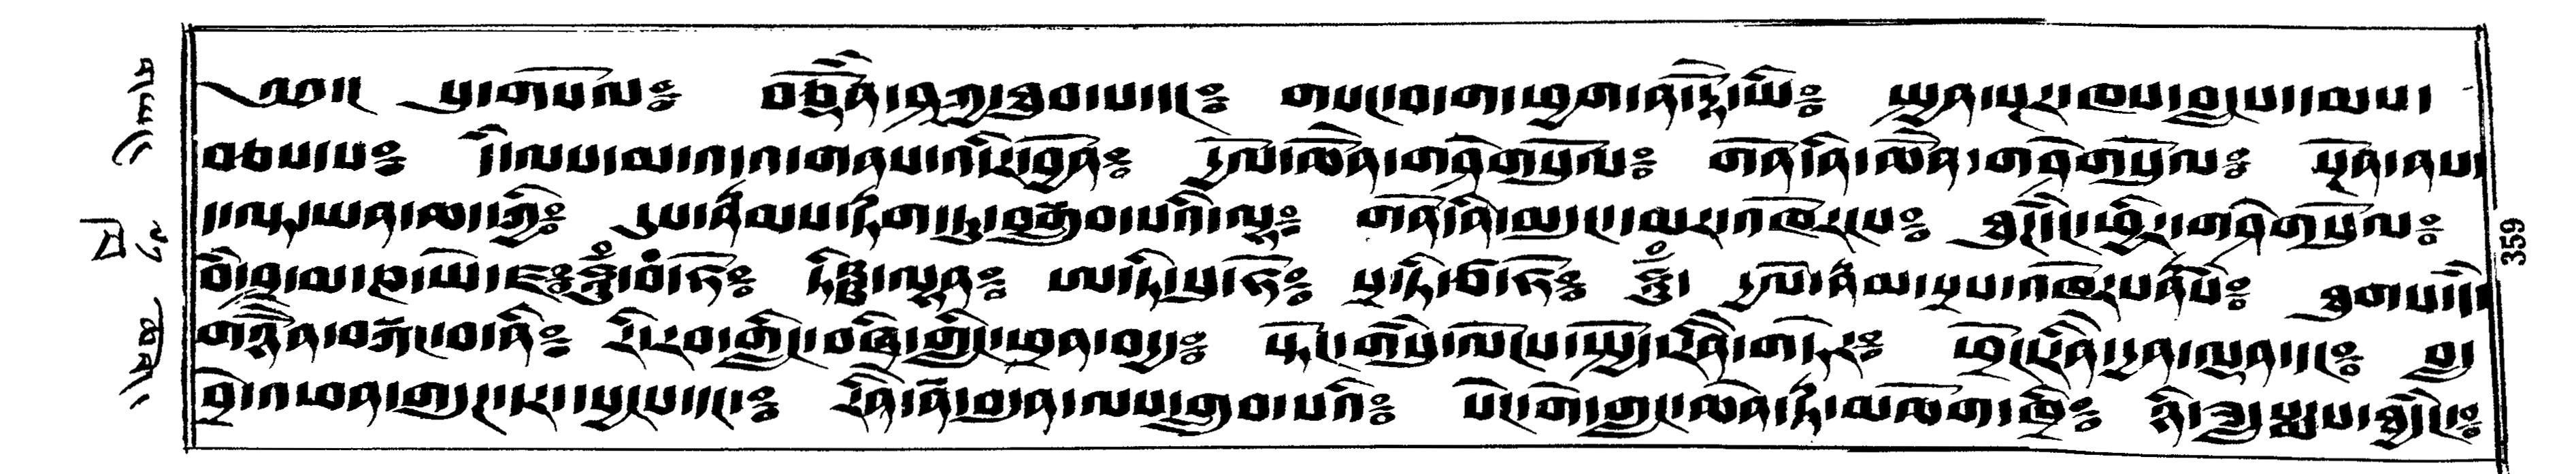སུ་གསོལ༔ བཅོམ་ལྡན་ཤཱཀྱ་ཐུབ་པ་དང༔ གསང་བདག་ཕྱག་ན་རྡོ་རྗེ་ཡི༔ སྤྱན་སྔར་ཁས་བླངས་དམ་
བཅས་པ༔ དམ་ལས་མ་འདའ་གནས་འདིར་བྱོན༔ རྒྱལ་པོ་ཆེན་པོ་གཤེགས་སུ་གསོལ། །གནོད་སྦྱིན་ཆེན་པོ་གཤེགས་སུ་གསོལ༔ སྔོན་ནས་
ད་ལྟ་ཡན་ཆད་ཀྱི༔ དུས་རྣམས་རྟག་ཏུ་བསྒྲུབ་པའི་ལྷ༔ གནོད་སྦྱིན་མདུང་དམར་འཁོར་དང་བཅས༔ ཐུགས་དམ་བསྐང་ཕྱིར་གཤེགས་སུ་གསོལ༔ 
བཻཤྲ་མ་ཎ་ཡེ་ཛ༔ཧཱུྃ་བཾ་ཧོ༔ ཏིཥྛ་ལྷན༔ ཨ་ཏི་པུ་ཧོ༔ པྲ་ཏི་ཙ་ཧོ༔ ཧཱུྃ། རྒྱལ་པོ་རྣམ་སྲས་འཁོར་བཅས་རྣམས༔ ཐུགས་དམ་
བཉེན་པོ་བསྐང་བ་ནི༔ རི་རབ་གླིང་བཞི་གླིང་ཕྲན་བརྒྱད༔ སྟོང་གསུམ་ལོངས་སྤྱོད་རིན་ཆེན་གཏེར༔ ཕོ་བྲང་རིན་ཆེན་རྒྱན་ལྡན་དང༔ བླ་
བྲེ་འཕན་གདུགས་དར་དཔྱངས་དང༔ རིན་ཆེན་སྣ་བདུན་ལས་གྲུབ་པའི༔ སེང་གེ་གླང་ཆེན་རྟ་མཆོག་ཁྲི༔ ཉི་ཟླ་པདྨས་ཐུགས་དམ་བསྐང༔